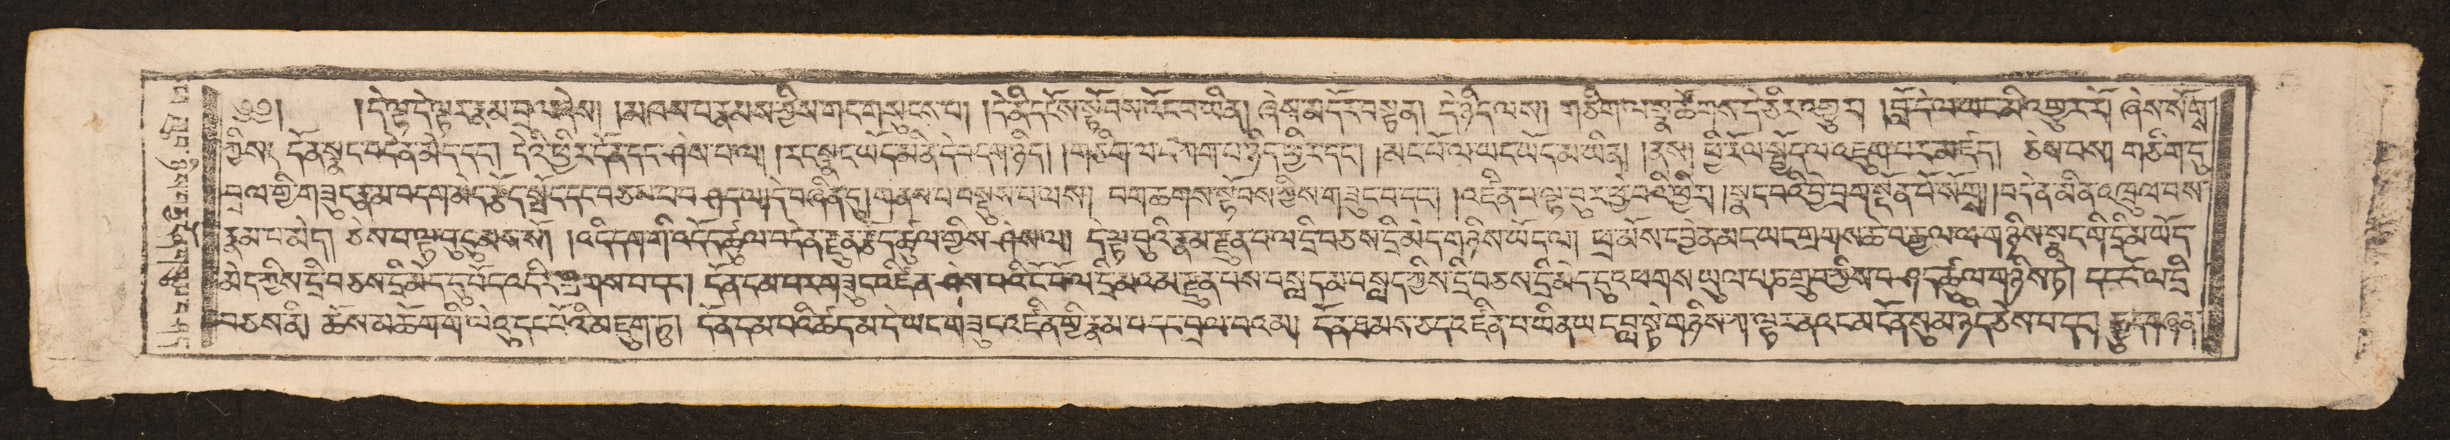༄༅། །དེ་ལྟ་དེ་ལྟར་རྣམ་བྲལ་ཞེས། །མཁས་པ་རྣམས་ཀྱིས་གང་གསུངས་པ། །དེ་ནི་དངོས་སྟོབས་འོང་བ་ཡིན། ཞེས་མདོར་བསྟན། དེ་ཉིད་ལས། གཅིག་ལ་སྣ་ཚོགས་དེ་ཅིར་འགྱུར། །བློ་དེ་ལ་ཡང་མི་འགྱུར་རོ། ཞེས་སོགས་
ཀྱིས༑ དོན་སྣང་བདེན་མེད་དང་། དེའི་ཕྱིར་དོན་དང་ཤེས་པ་ལ། །རང་སྣང་ཡོད་མིན་དེ་བདག་ཉིད། །གཅིག་ལ་བཀག་པ་ཉིད་ཕྱིར་དང་། །མང་པོ་ལ་ཡང་ཡོད་མ་ཡིན། །ནས། ཕྱི་རོལ་སྤྱོད་ལ་འཇུག་པར་མཛད། ཅེས་པས། གཅིག་དུ་
བྲལ་གྱི་གཟུང་རྣམ་བདག་མེད་རྩོད་སྤོང་དང་བཅས་པ་བཤད་ལ། དེ་བཞིན་དུ། གནས་པ་བསྡུས་པ་ལས། བག་ཆགས་སྟོབས་ཀྱིས་གཟུང་བ་དང་། །འཛིན་པ་ལྟ་བུར་ཕྱེ་བའི་ཕྱིར། །སྣང་བའི་བྱེ་བྲག་སྔོན་པོ་སོགས། །བདེན་མིན་འཁྲུལ་བས་
རྣམ་པ་མེད། ཅེས་པ་ལྟ་བུ་དུ་མས་སོ། །འདི་དག་གི་འདོད་ཚུལ་བདེན་རྫུན་རྩོད་ཚུལ་གྱིས་ཤེས་ལ། དེ་ལྟ་བུའི་རྣམ་རྫུན་པ་ལ་དྲི་བཅས་དྲི་མེད་གཉིས་ཡོད་ལ། ཕྲ་མོས་དབྱེ་ན་མང་ཡང་གྲགས་ཆེ་བ་རྒྱལ་ལ་གཉིས་སྣང་གི་དྲི་མ་ཡོད་
མེད་ཀྱིས་དྲི་བཅས་དྲི་མེད་དུ་བོད་འདིར་གྲགས་པ་དང་། དོན་དམ་པར་གཟུང་འཛིན་ཤེས་པའི་ངོ་བོ་ལ་དྲི་མའམ་རྫུན་པས་བསླད་མ་བསླད་ཀྱིས་དྲི་བཅས་དྲི་མེད་དུ་འཕགས་ཡུལ་པཎ་གྲུབ་ཀྱིས་བཤད་ཚུལ་གཉིས་ཏེ། དང་པོ་ལ་དྲི་
བཅས་ནི། ཆོས་མཆོག་གི་ལེའུ་དང་པོའི་མཇུག་ཏུ། དོན་དམ་པའི་ཚད་མ་དེ་ཡང་གཟུང་འཛིན་གྱི་རྣམ་པ་དང་བྲལ་བའམ། དོན་ཐམས་ཅད་འཛིན་པ་ཡིན་ཡང་བླ་སྟེ་གཉིས་ཀ་ལྟར་ནའང་མངོན་སུམ་ཉིད་ཅེས་པ་དང་། རྒྱུད་གཞན་